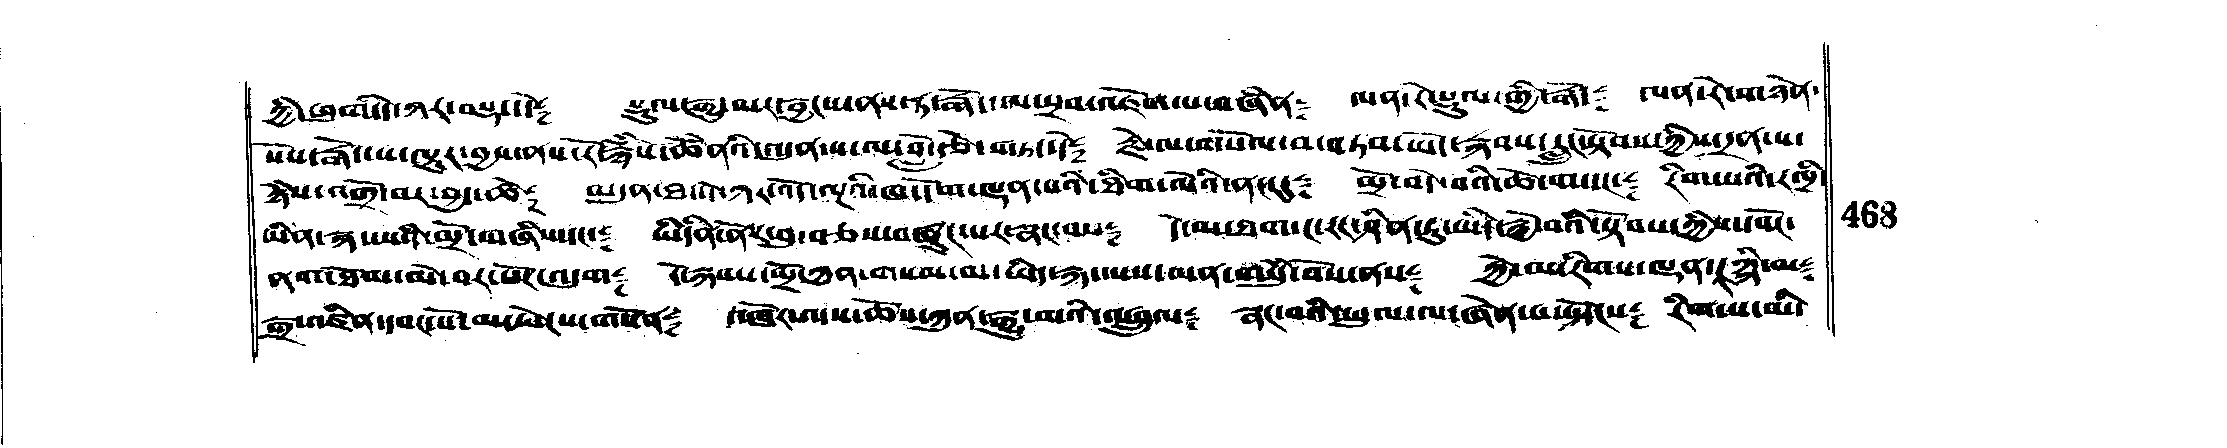ཀྱི་ཕུག་དེ་ཀར་བསྡད་དེ། སྡུག་བསྔལ་སྒྱུ་མར་སྦྱངས་ནས་རྟ་རྒོད་ལ་སྲབ་འཇོག་པ་བཞིན། ལན་རེ་སྡུག་བསྔལ་གྱི་རྒོད། ལན་རེ་གཉེན་
པོས་རྒོད་པ་ལྟ་བུར་བྱས་ནས་རོ་སྙོམས་ཆེན་པོའི་འདུན་པ་ལ་བློ་རྩེ་གཏད་དེ། རྗེ་ལ་གསོལ་བ་བཏབ་ཡོད་སྐབས་རླུང་སྟོབས་ཀྱིས་དྲན་པ་
ཉམས་འགྲོ་བར་བྱེད་ཚེ། མདུན་ཐད་དེ་ཀར་འོད་ལྔའི་ཁ་དོག་ལྡན་པའི་ཐིག་ལེའི་ནང་དུ། མཁའ་འགྲོ་བདེ་བའི་ཆོ་ག་དང་། རིག་པའི་རལ་གྲི་
ཡིན་སྐད་ཡིན་སྐད་པའི་མཁའ་འགྲོ་ཞིག་དང་། ཡིད་བཞིན་ནོར་བུ་བཅས་བཞུགས་པར་སྣང་བས།དེ་མ་ཐག་ང་རང་ཤིན་ཏུ་ཡིད་སྐྱོ་བའི་སྟོབས་ཀྱིས་དབང་པོ་
ནག་ཐོམ་མེ་བར་སོང་འདུག དེ་སྐབས་མཁའ་འགྲོ་ཀུན་གསལ་ཡིན་སྐད་པས་ལན་གསུམ་བོས་ནས། ཀྱེ་མ་རིགས་ལྡན་ཌཱཀྐི་མ། །
སྒྲ་འཇིན་དབང་པོ་མ་ཡེངས་གསོན། །འཁོར་འདས་ཆོས་ཀུན་སྒྱུ་མའི་འཕྲུལ། །སྣང་བའི་ཡུལ་ལ་ཞེན་པ་སྤོངས། །རིག་པ་མི་